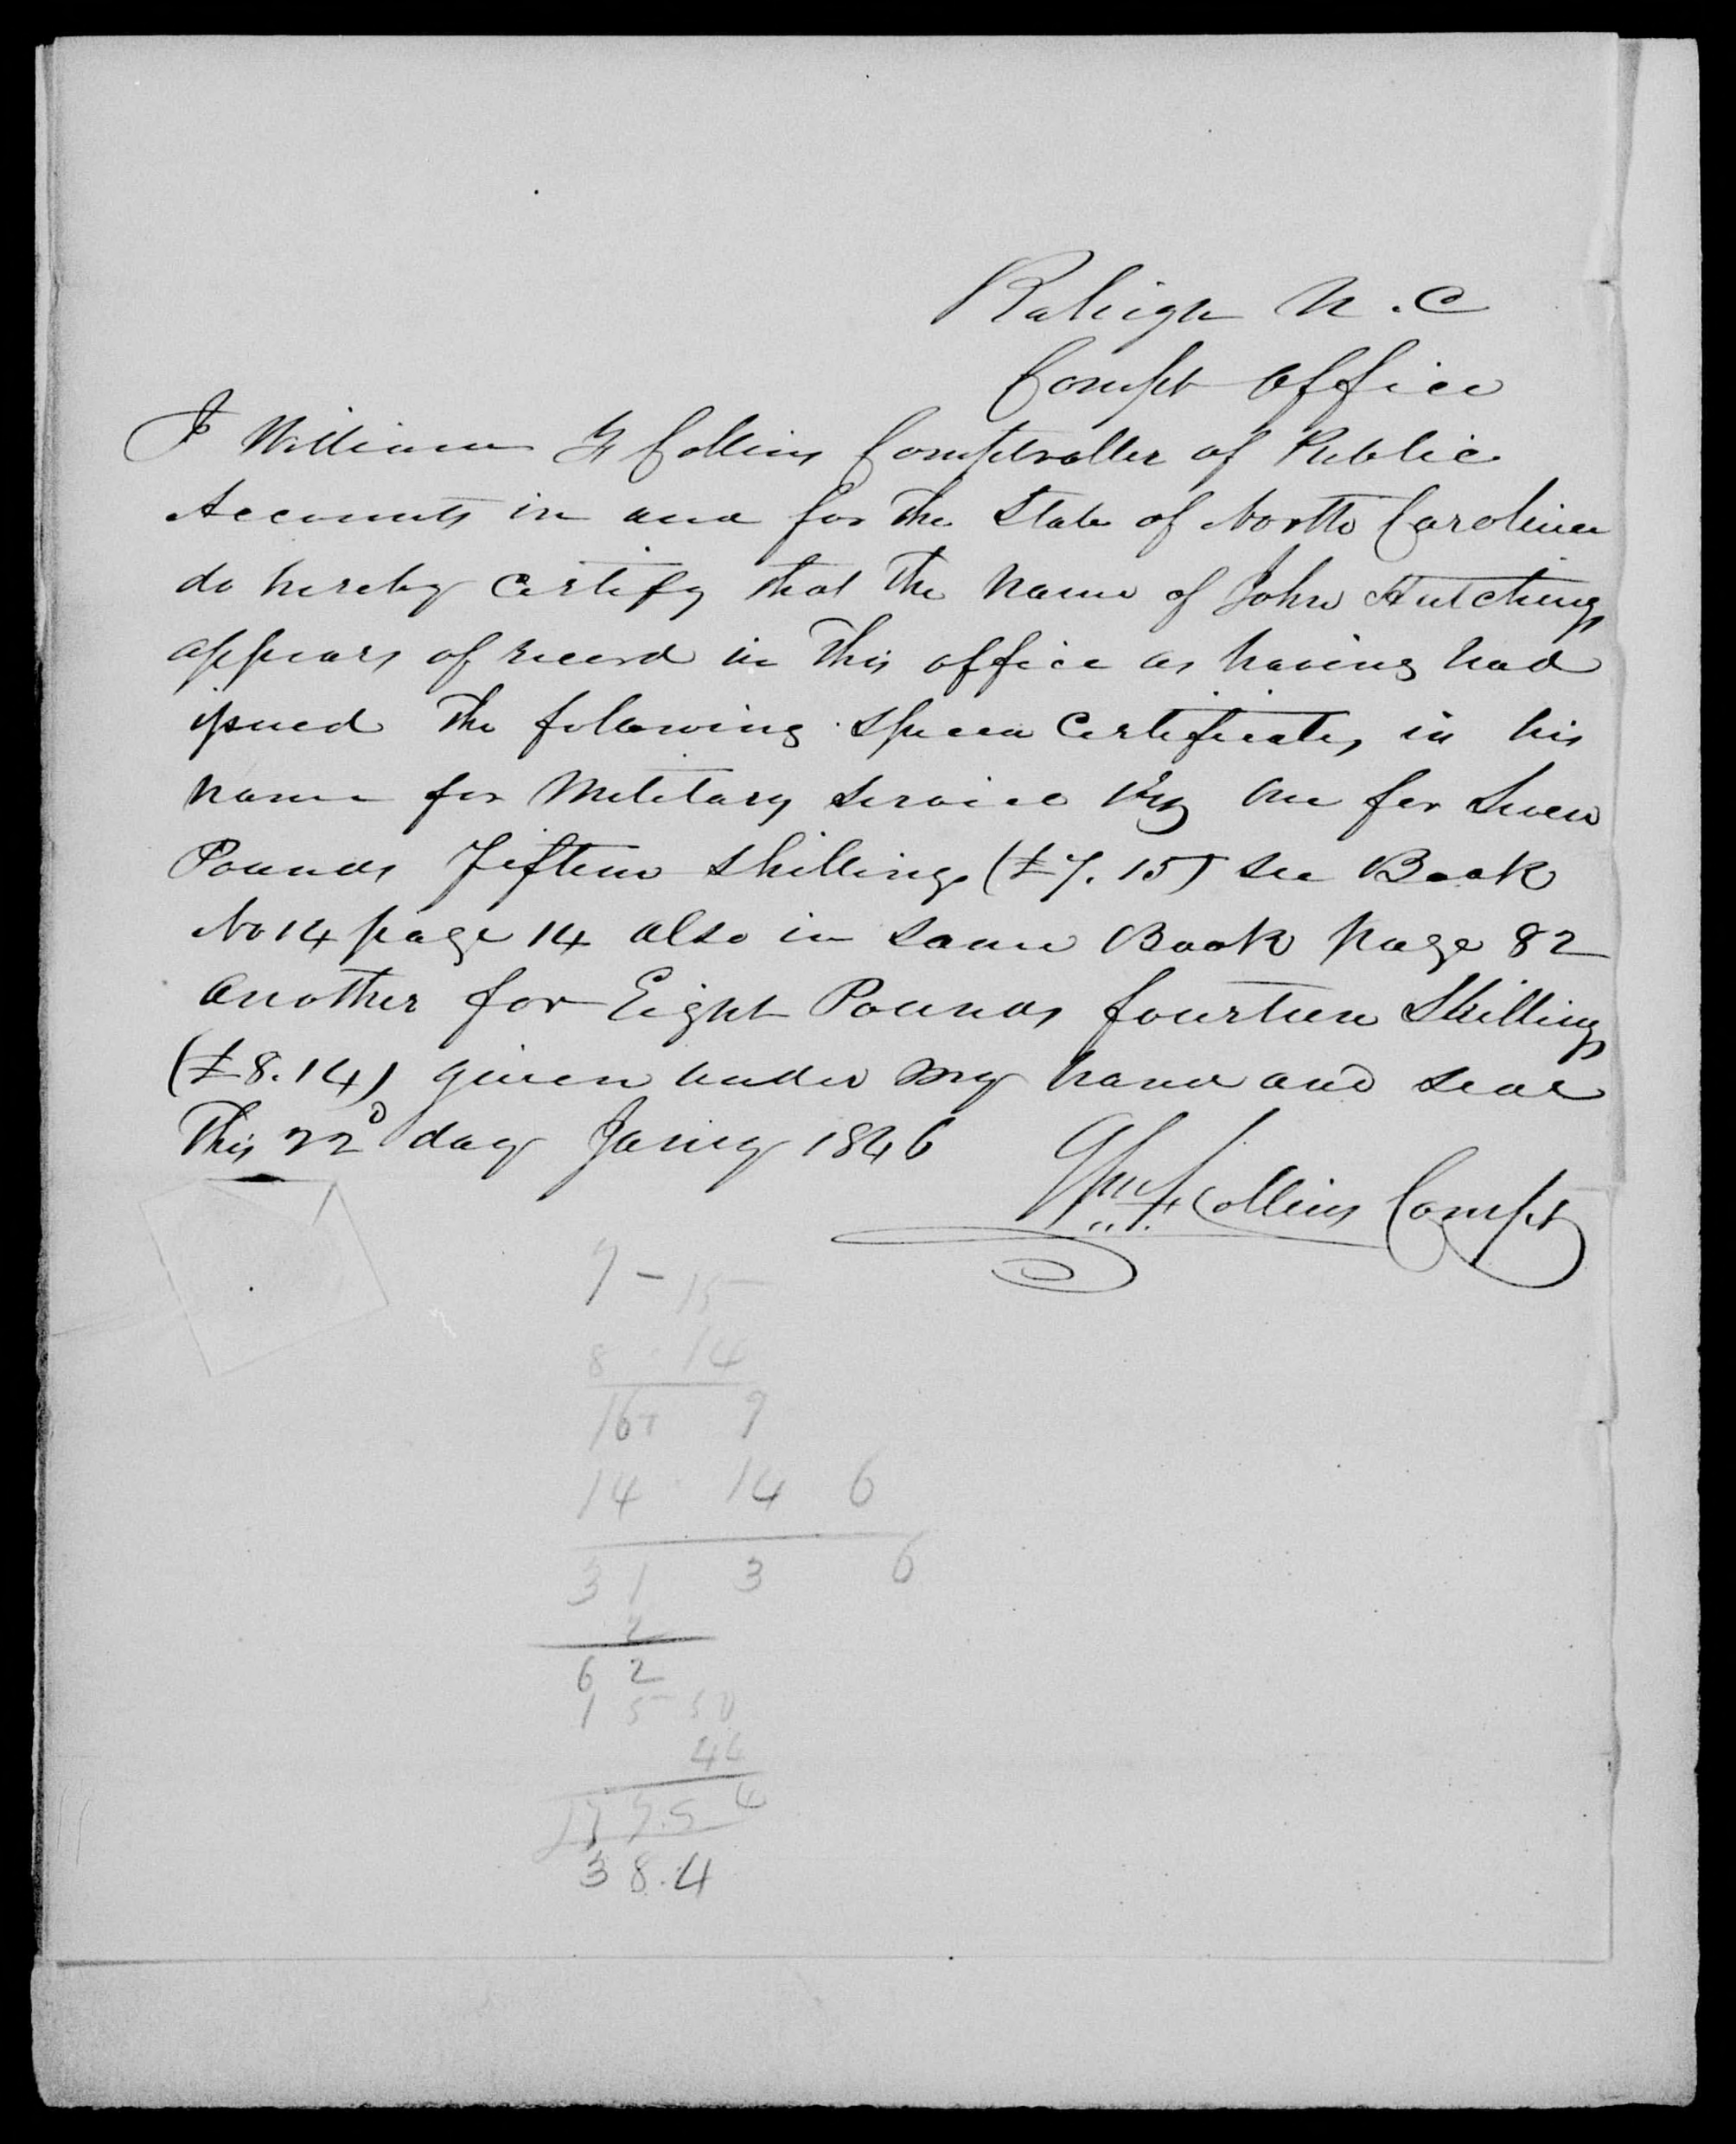Raleigh N.C
Benefit Office
I William G. Bolling Comptroller of Public Security in and for the State of North Carolina do hereby certify that the name of John Hutchings, appears of record in this office as having had issued the following special Certificate, in his name for military service are for seven pounds fifteen shillings (L7.15) see book 14 pg14 also in same book page 82 another for eight pounds fourteen shillings, (L8.14) given under my hand and seal this 22nd day January 1846
Wm F. Collins Compt
Squiggle line underneath 
*
Middle and bottom of page were numbers I cannot ascertain if they were involved with this letter or left from another one they look partially abased or faded but here is what is stated

7-15
     16
_______
16+    9
14        14   6
——————-
31.        3.    6
  2
——
62
15  50
       46
———-
179.56

**please note any L in front of a figure had two horizontal lines running through each one.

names: John Hutchings, William F Collins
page: 103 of 108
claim: rejected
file: R. 7,515, John Hudgins, N.C.